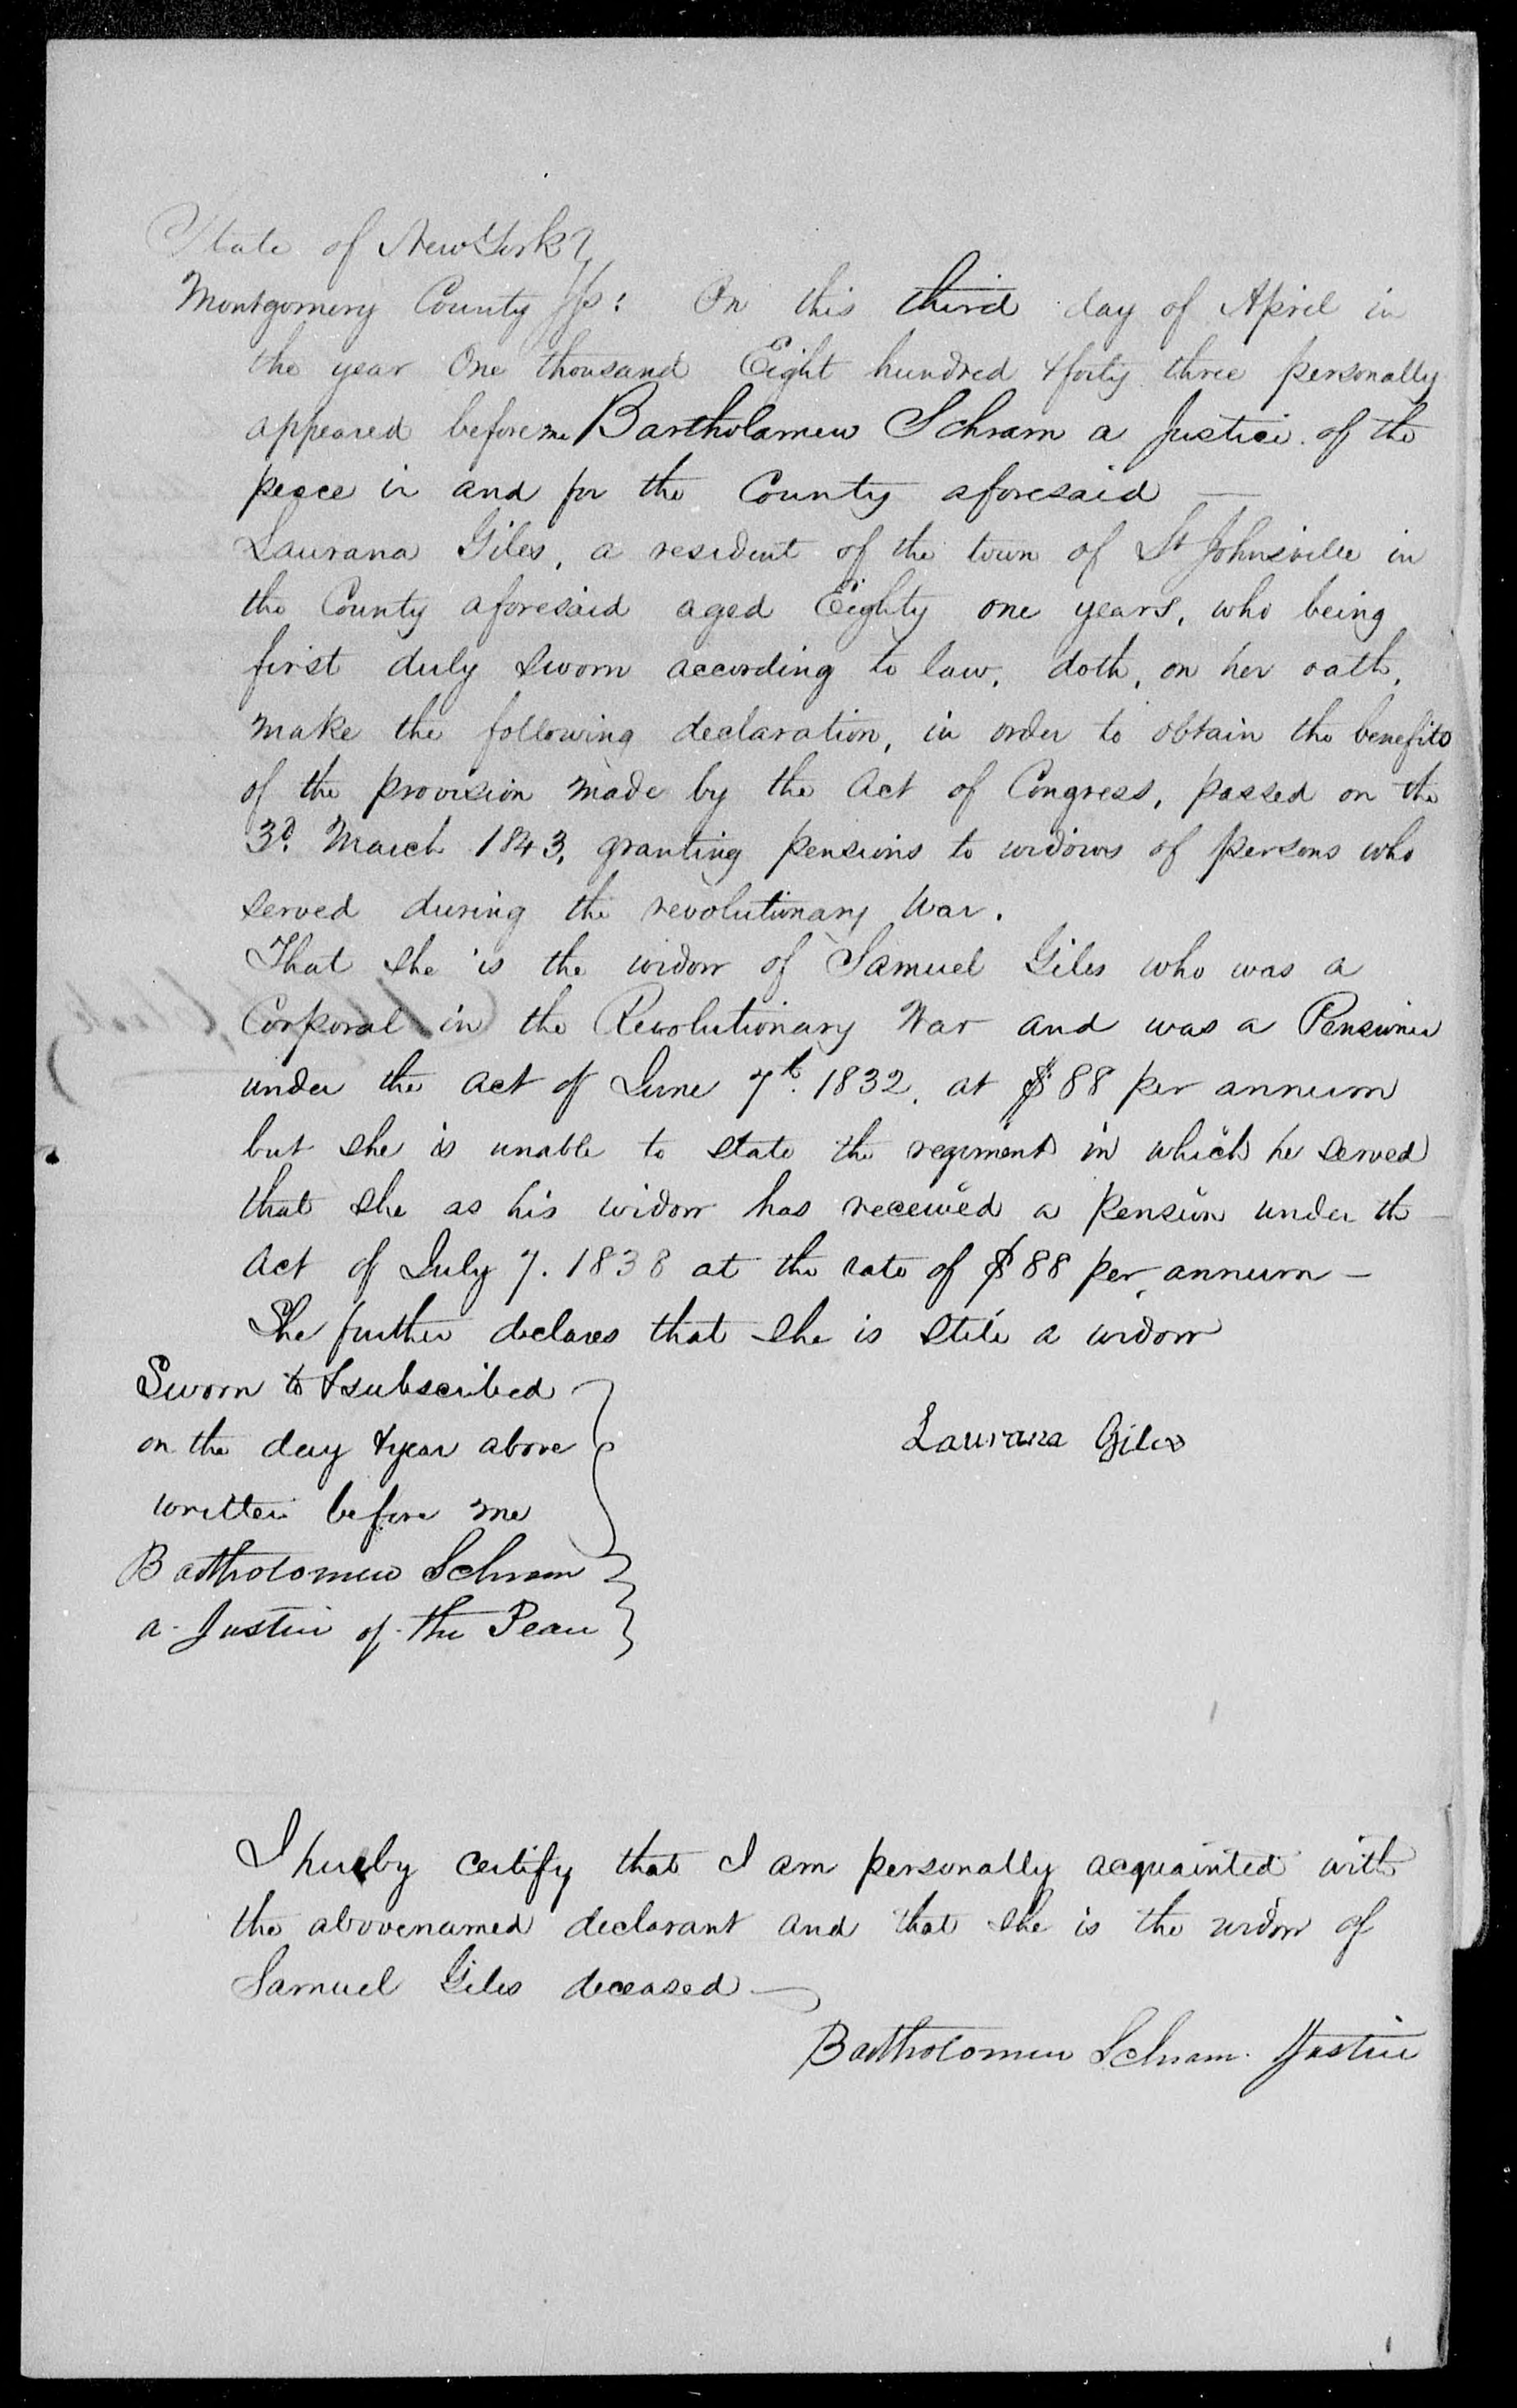[handwritten]
State of New York
County JP: On this third day of April in the year One thousand Eight hundred forty three personally appeared before me Bartholomew Schram a Justice of the peace in and for the County aforesaid - Laurana Giles, a resident of the town of S Johnsville [Johnstown] in the County aforesaid aged Eighty one years, who being first duly sworn according to law, doth, on her oath, make the following declaration, in order to obtain the benefits  of the provision made by the Act of Congress, passed on the 3d March 1843, granting pensions to widows of persons who served during the revolutionary war.
That she is the widow of Samuel Giles who was a Corporal in the Revolutionary War and was a Pensioner under the act of June 7th 1832, at $88 per annum but she is unable to state the regiment in which he served that she is as his widow has received a pension under the act of July 7. 1838 at the rate of $88 per annum - She further declares that she is still a widow
Laurana Giles
Sworn to Ssubscribed [misspelled] on the day & year above written before me
Bartholomew Johnson 
a Justice of the Peace
I hereby certify that I am personally acquainted with the abovenamed declarant and that she is the widow of Samuel Giles deceased -
Bartholomew Johnson Justice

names: Bartholomew Schram, Samuel Giles, Samuel Giles, Bartholomew Schram, Laurana Giles, Laurana Giles, Bartholomew Schram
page: 43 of 55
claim: widow's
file: W. 19503, Samuel Giles, Conti. Mass. New York